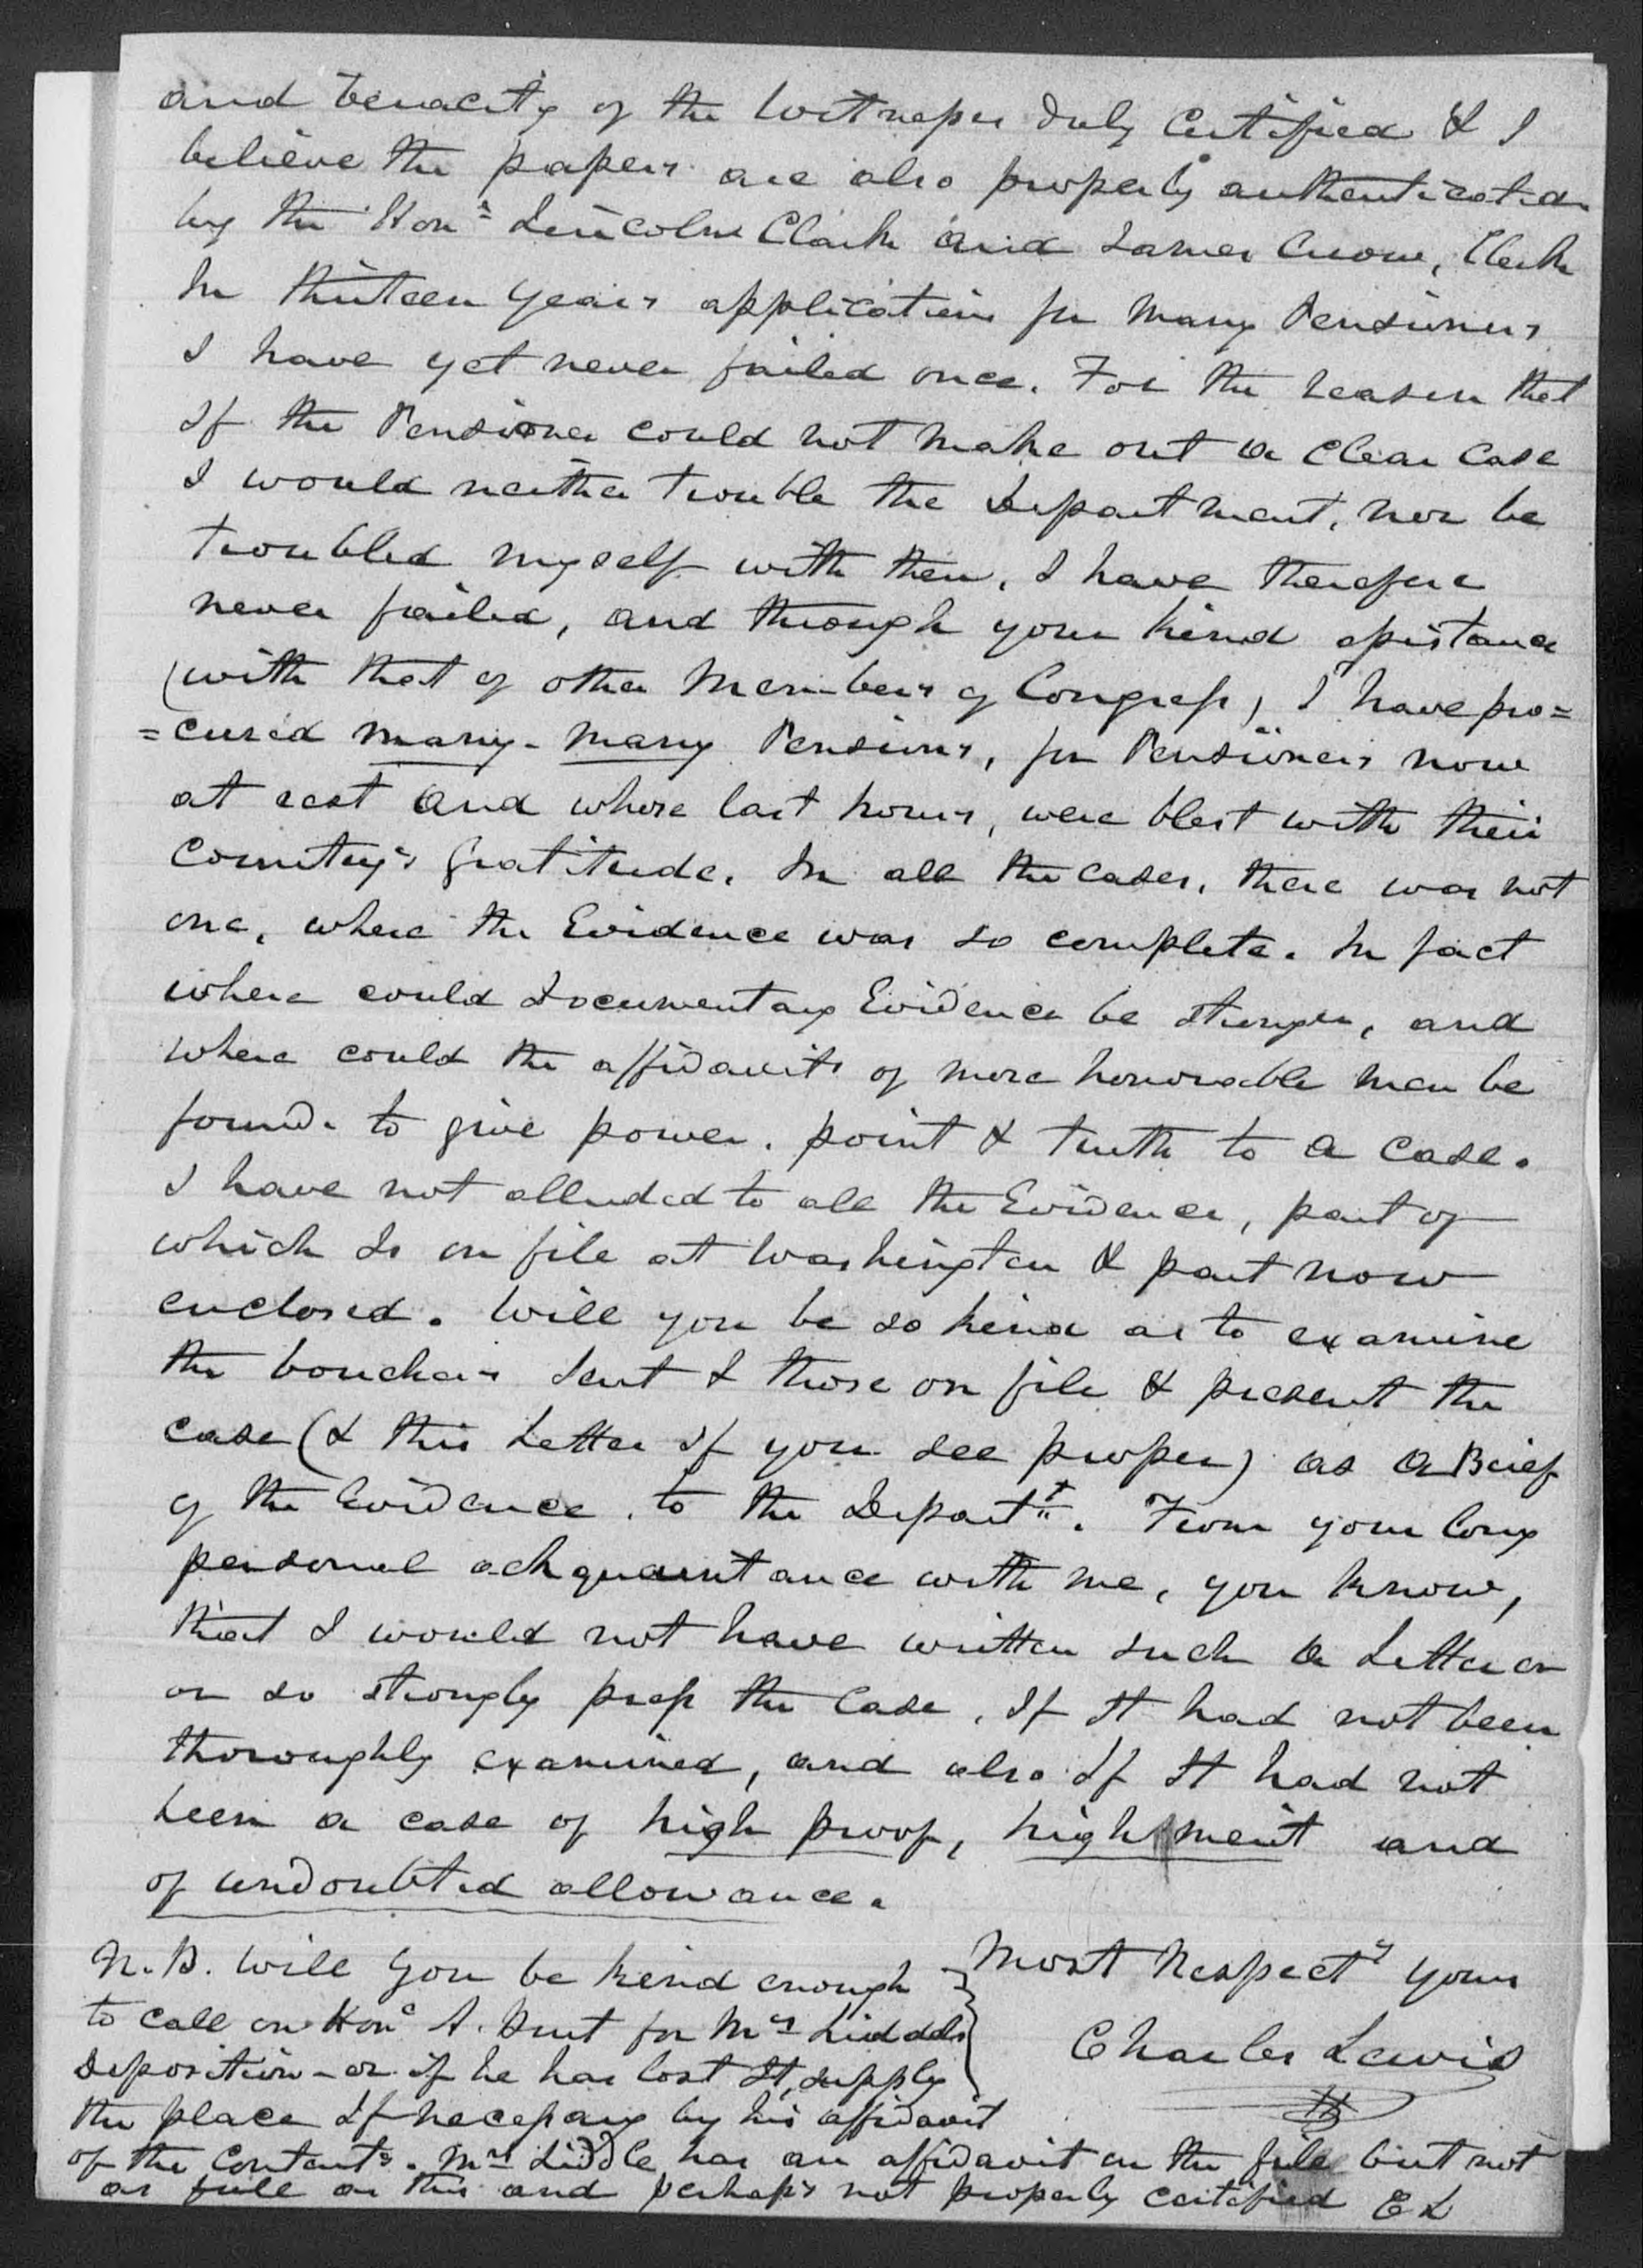and veracity of the witnesses duly certified  & I believe the papers are also properly authenticated  by the Hon. Lincoln Clark  and James Crow, clerk . IN thirteen years  applications for many pensioners   I have yet never failed once. For the  reason that I would neither trouble  the  Department , not be  troubled myself with them, I have therefore never failed , and through your kind assistance ( with that of the other members of Congress ) I have procured many , many pensions for pensioners now at rest and whose last hours  were blest with their Country's gratitude. In all the cases there was not one where the evidence was so complete. In fact when could documentary evidence be stronger , and where  could the affidavits of more honorable men  be found., to give power, point & truth  to a case. I have not  alluded to all the evidence , part of which is on file  at Washington  & part now  enclosed. Will you be so kind as to examine the voucher  sent & those on file & present the case ( & this letter if you see proper )  as a  brief of the evidence to the Depart.  From you  long personal  acquaintance with me , you know  that I would not have written such a letter or so strongly   press the case. If it had not been  a case of high proof , high merit  and of undoubted allowance.  Most respecty  yours  Charles Lewis  ( signed ) N.B. Will you be kind enough to call on  Hon . A. Burt for Mrs. Liddel's deposition or if he has lost it supply the place if necessary by his affidavit of the contents Mrs. Liddle has an affidavit in the  file but  not on file or this perhaps not properly certified. CS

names: A Burt, Liddle, Charles Lewis, Lincoln Clark, James Crow, Liddel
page: 62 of 91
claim: widow's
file: W. 10576, Francis Carlisle, S.C.